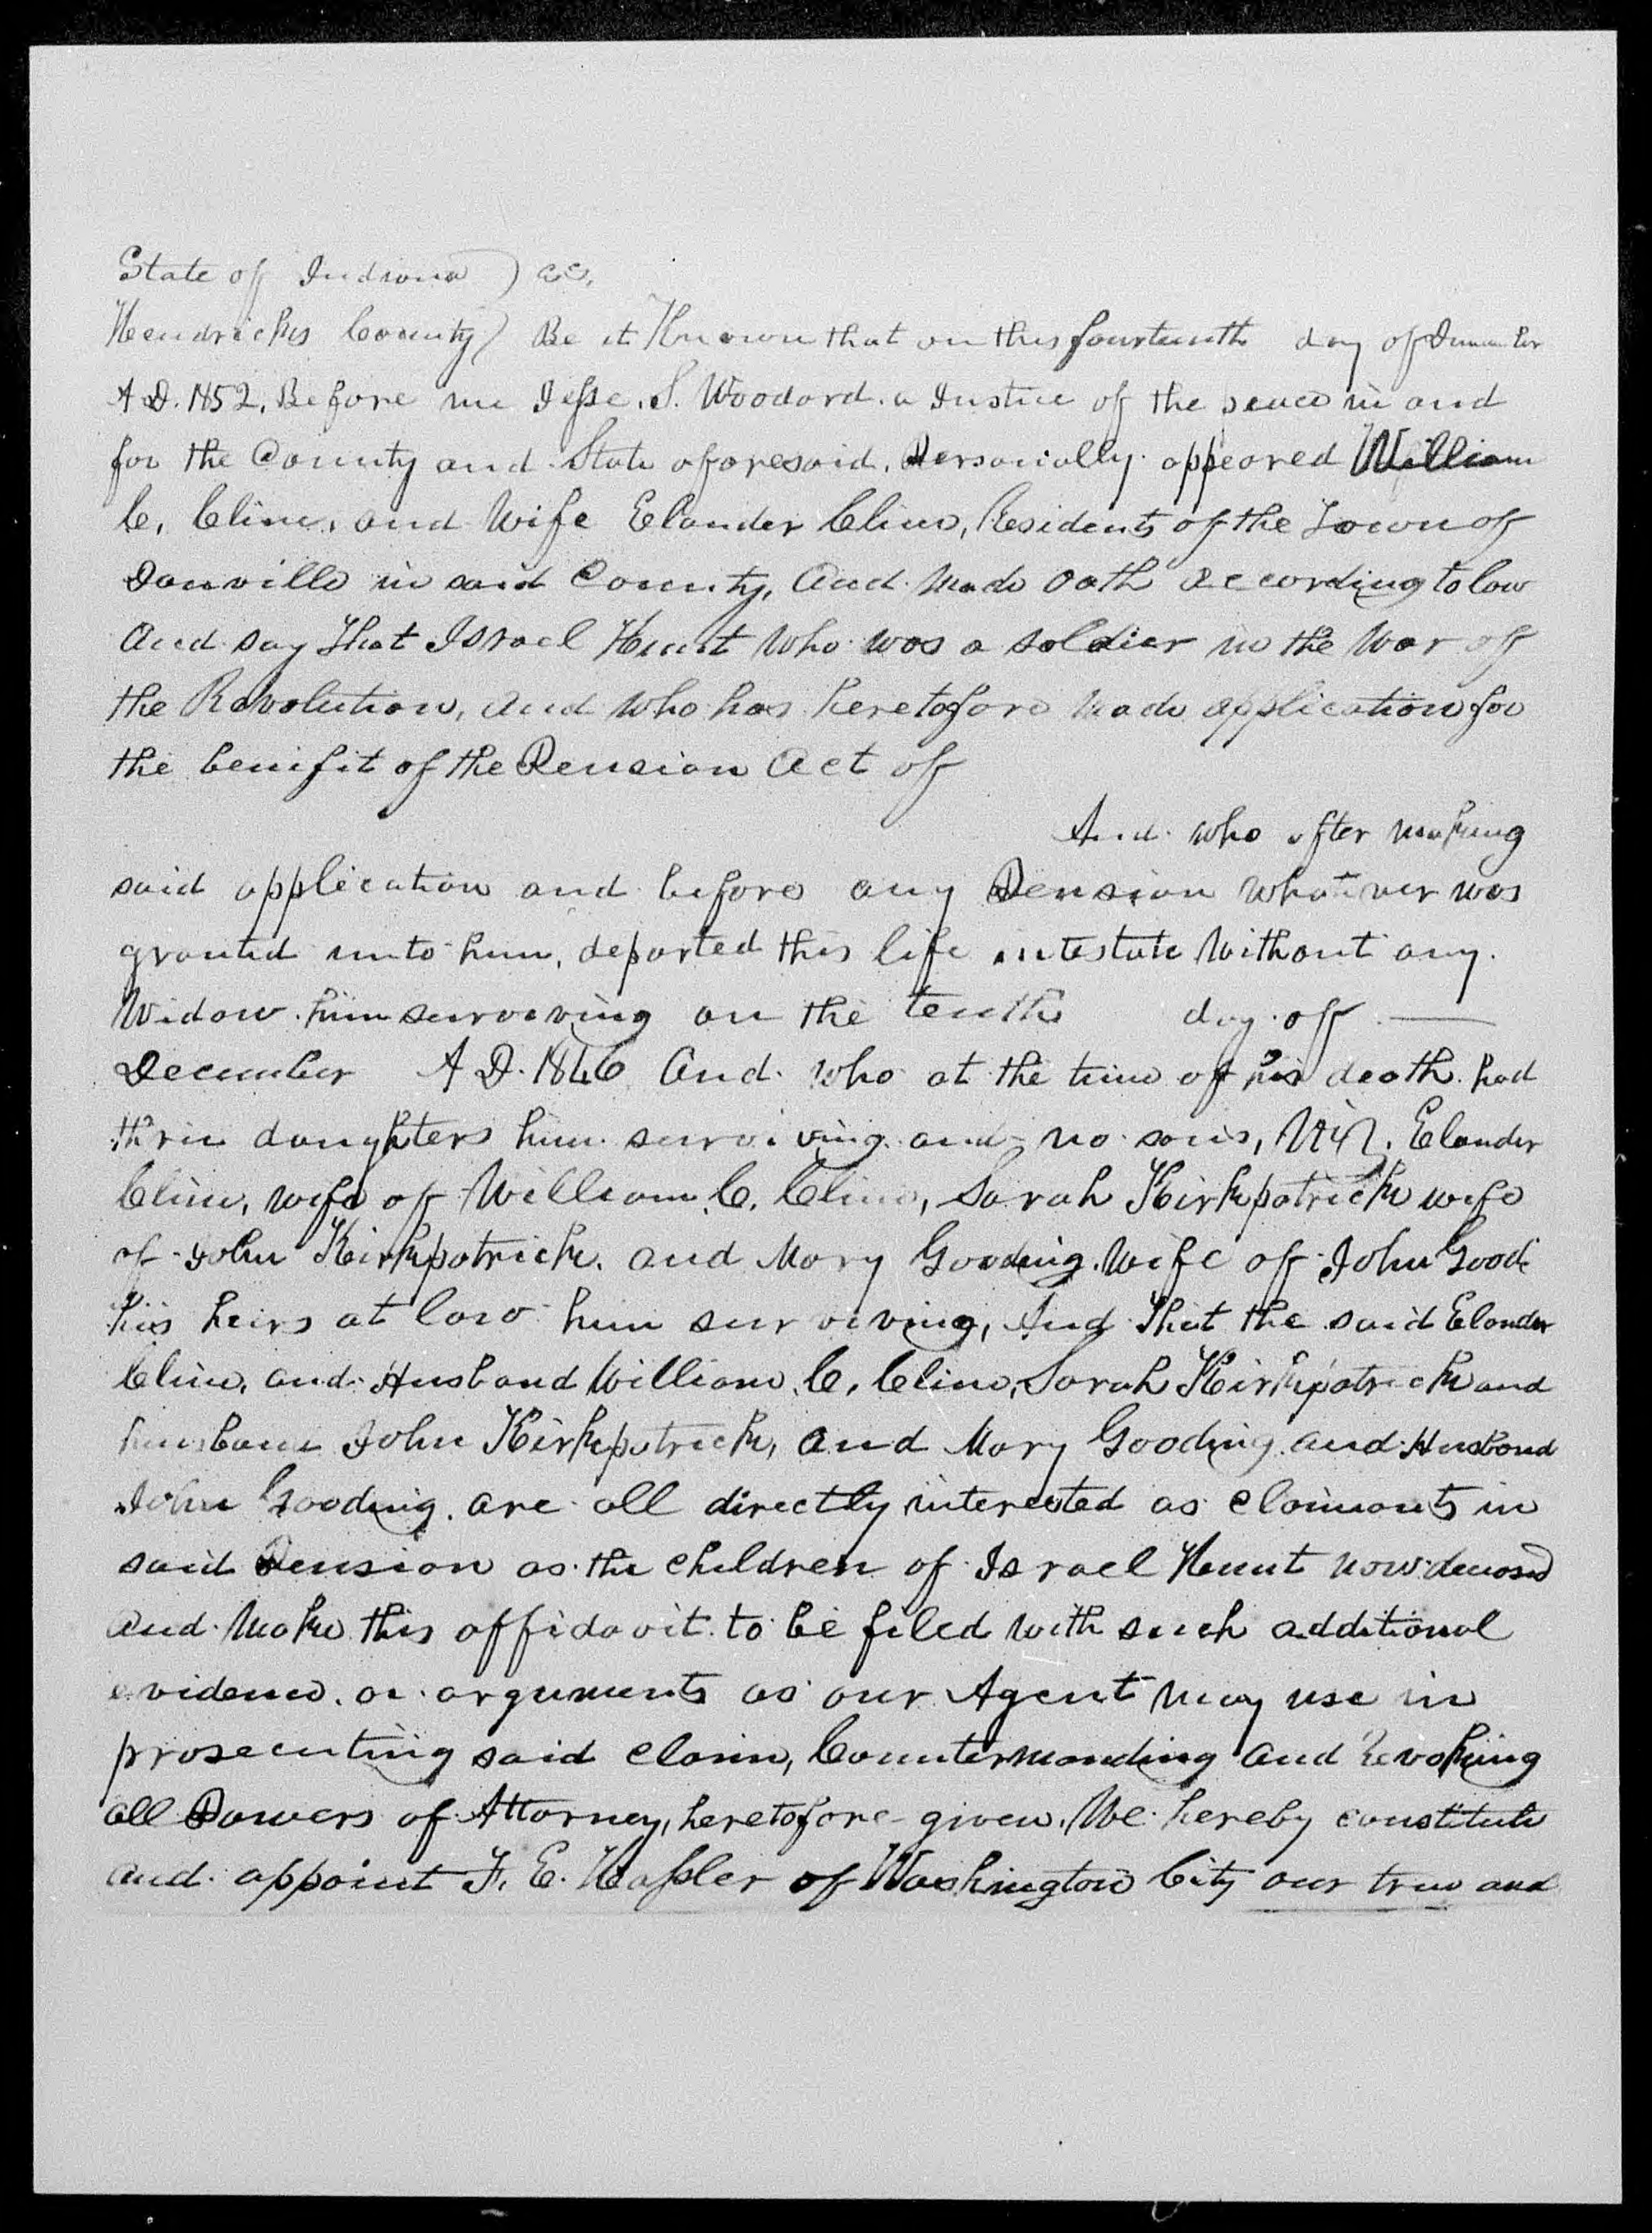State of Indiana
Hendricks County }ss.
Be it known that on this fourteenth day of December A.D. 1852 before me Jesse S. Woodard a Justice of the Peace in and for the county and state aforesaid, personally appeared William C. Cline and wife Elander Cline, residents of the Town of Danville in said county and made oath according to law and say that Israel Hunt who was a soldier in the War of the Revolution and who has heretofore made application for the benefit of the Pension  Act of

And who after making said applications and before any decision whatever was granted unto him, departed this life intestate without any widow him surviving on the tenth day of December A.D. 1846.  And who at the time of his death had three daughters him surviving and no sons, Mrs. Elander Cline, wife of William C. Cline Sarah Kirkpatrick wife of John Kirkpatrick and Mary Gooding and husband John Gooding are all directly interested as claimants in said pension as children of Israel Hunt now deceased.  And make this affidavit to be filed with such additional evidence or arguments as our Agent may use in prosecuting said claim, countermanding and revoking all Powers of Attorney, heretofore given we hereby constitute and appoint F. E. Wassler of Washington City our true and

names: John Kirkpatrick; William C Cline; Elander Cline; Sarah Kirkpatrick; Mary Gooding; Israel Hunt; F E Wassler; John Gooding; Jesse S Woodard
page: 3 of 18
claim: rejected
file: R. 5393, for Israel Hunt, New Jersey